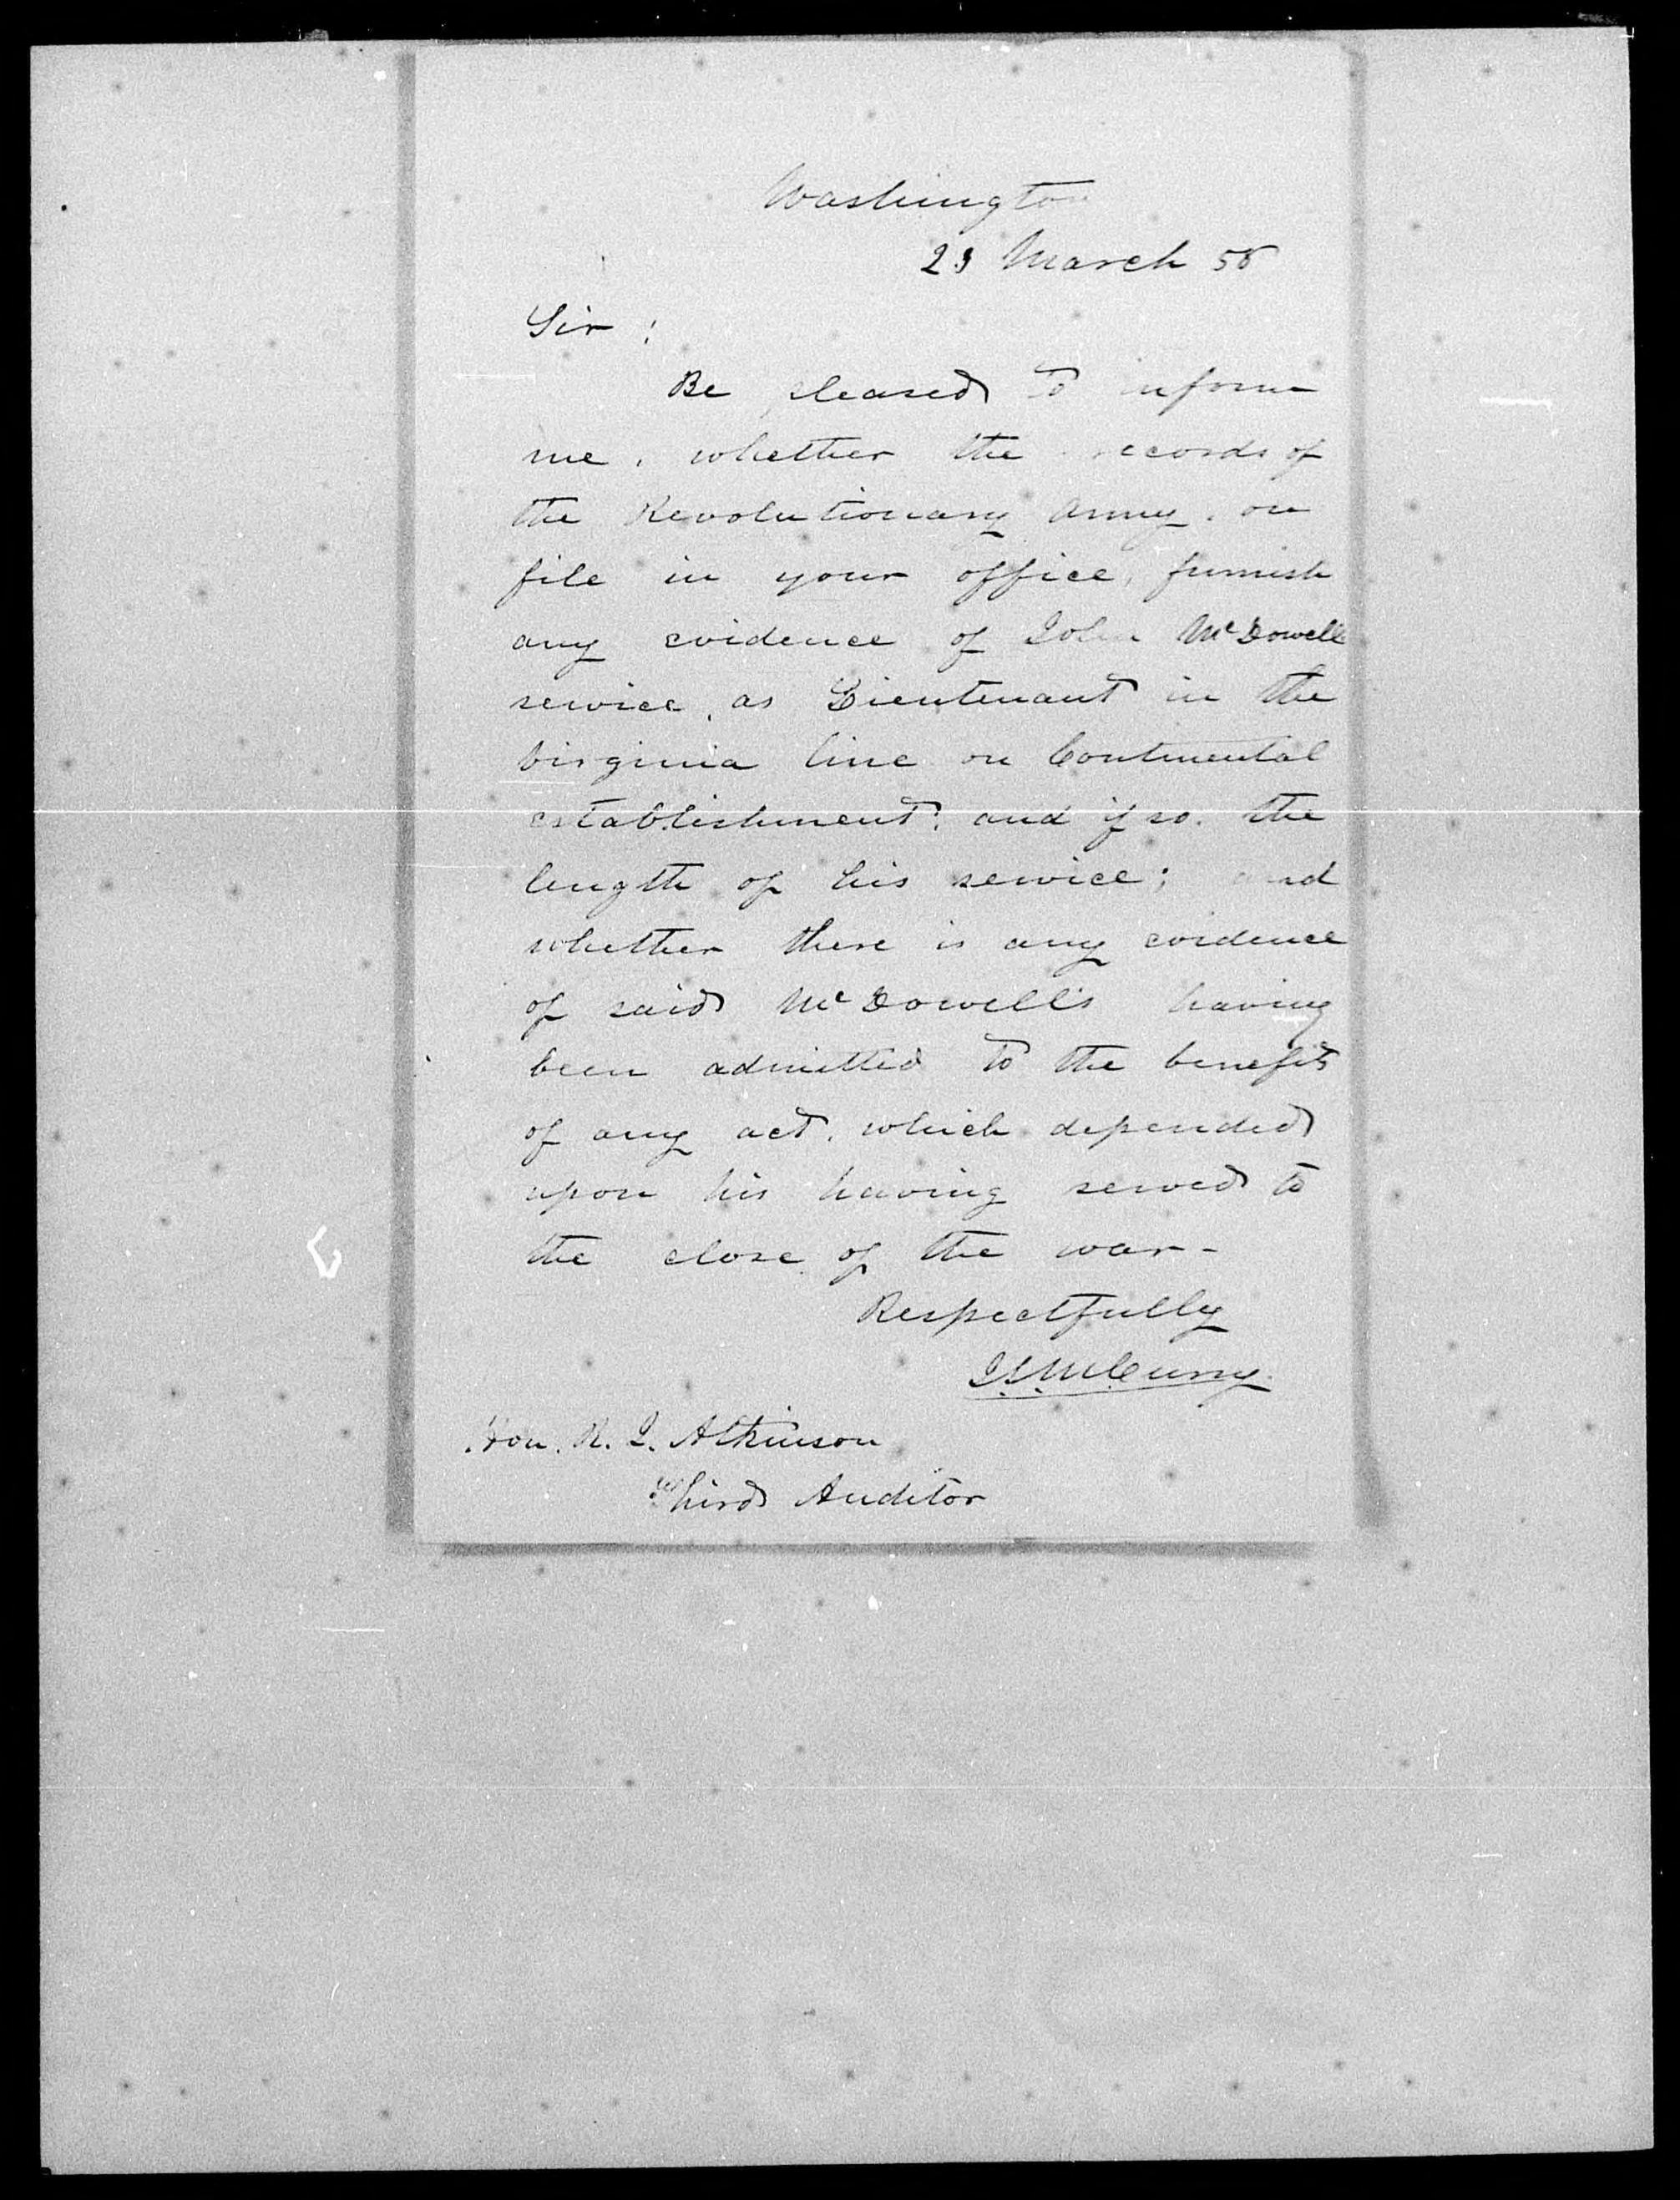Washington
23 March 58
Sir:
Be pleased to inform me, whether the records of the Revolutionary Army, on file in your office, furnish any evidence of John McDowell's service as Lieutenant in the Virginia line on Continental establishment, and if so, the length of his service; and whether there is any evidence of said McDowell's having been admitted to the benefits of nay act, which depended upon his having served to the close of the war -
Respectfully
J. S. M. Curry.

Hon. R. J. Atkinson
Third Auditor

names: John Mc Dowell; R J Atkinson; J S Mc Curry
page: 37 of 47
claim: survivor's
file: S. 30578, for John Mc Dowell, Virginia